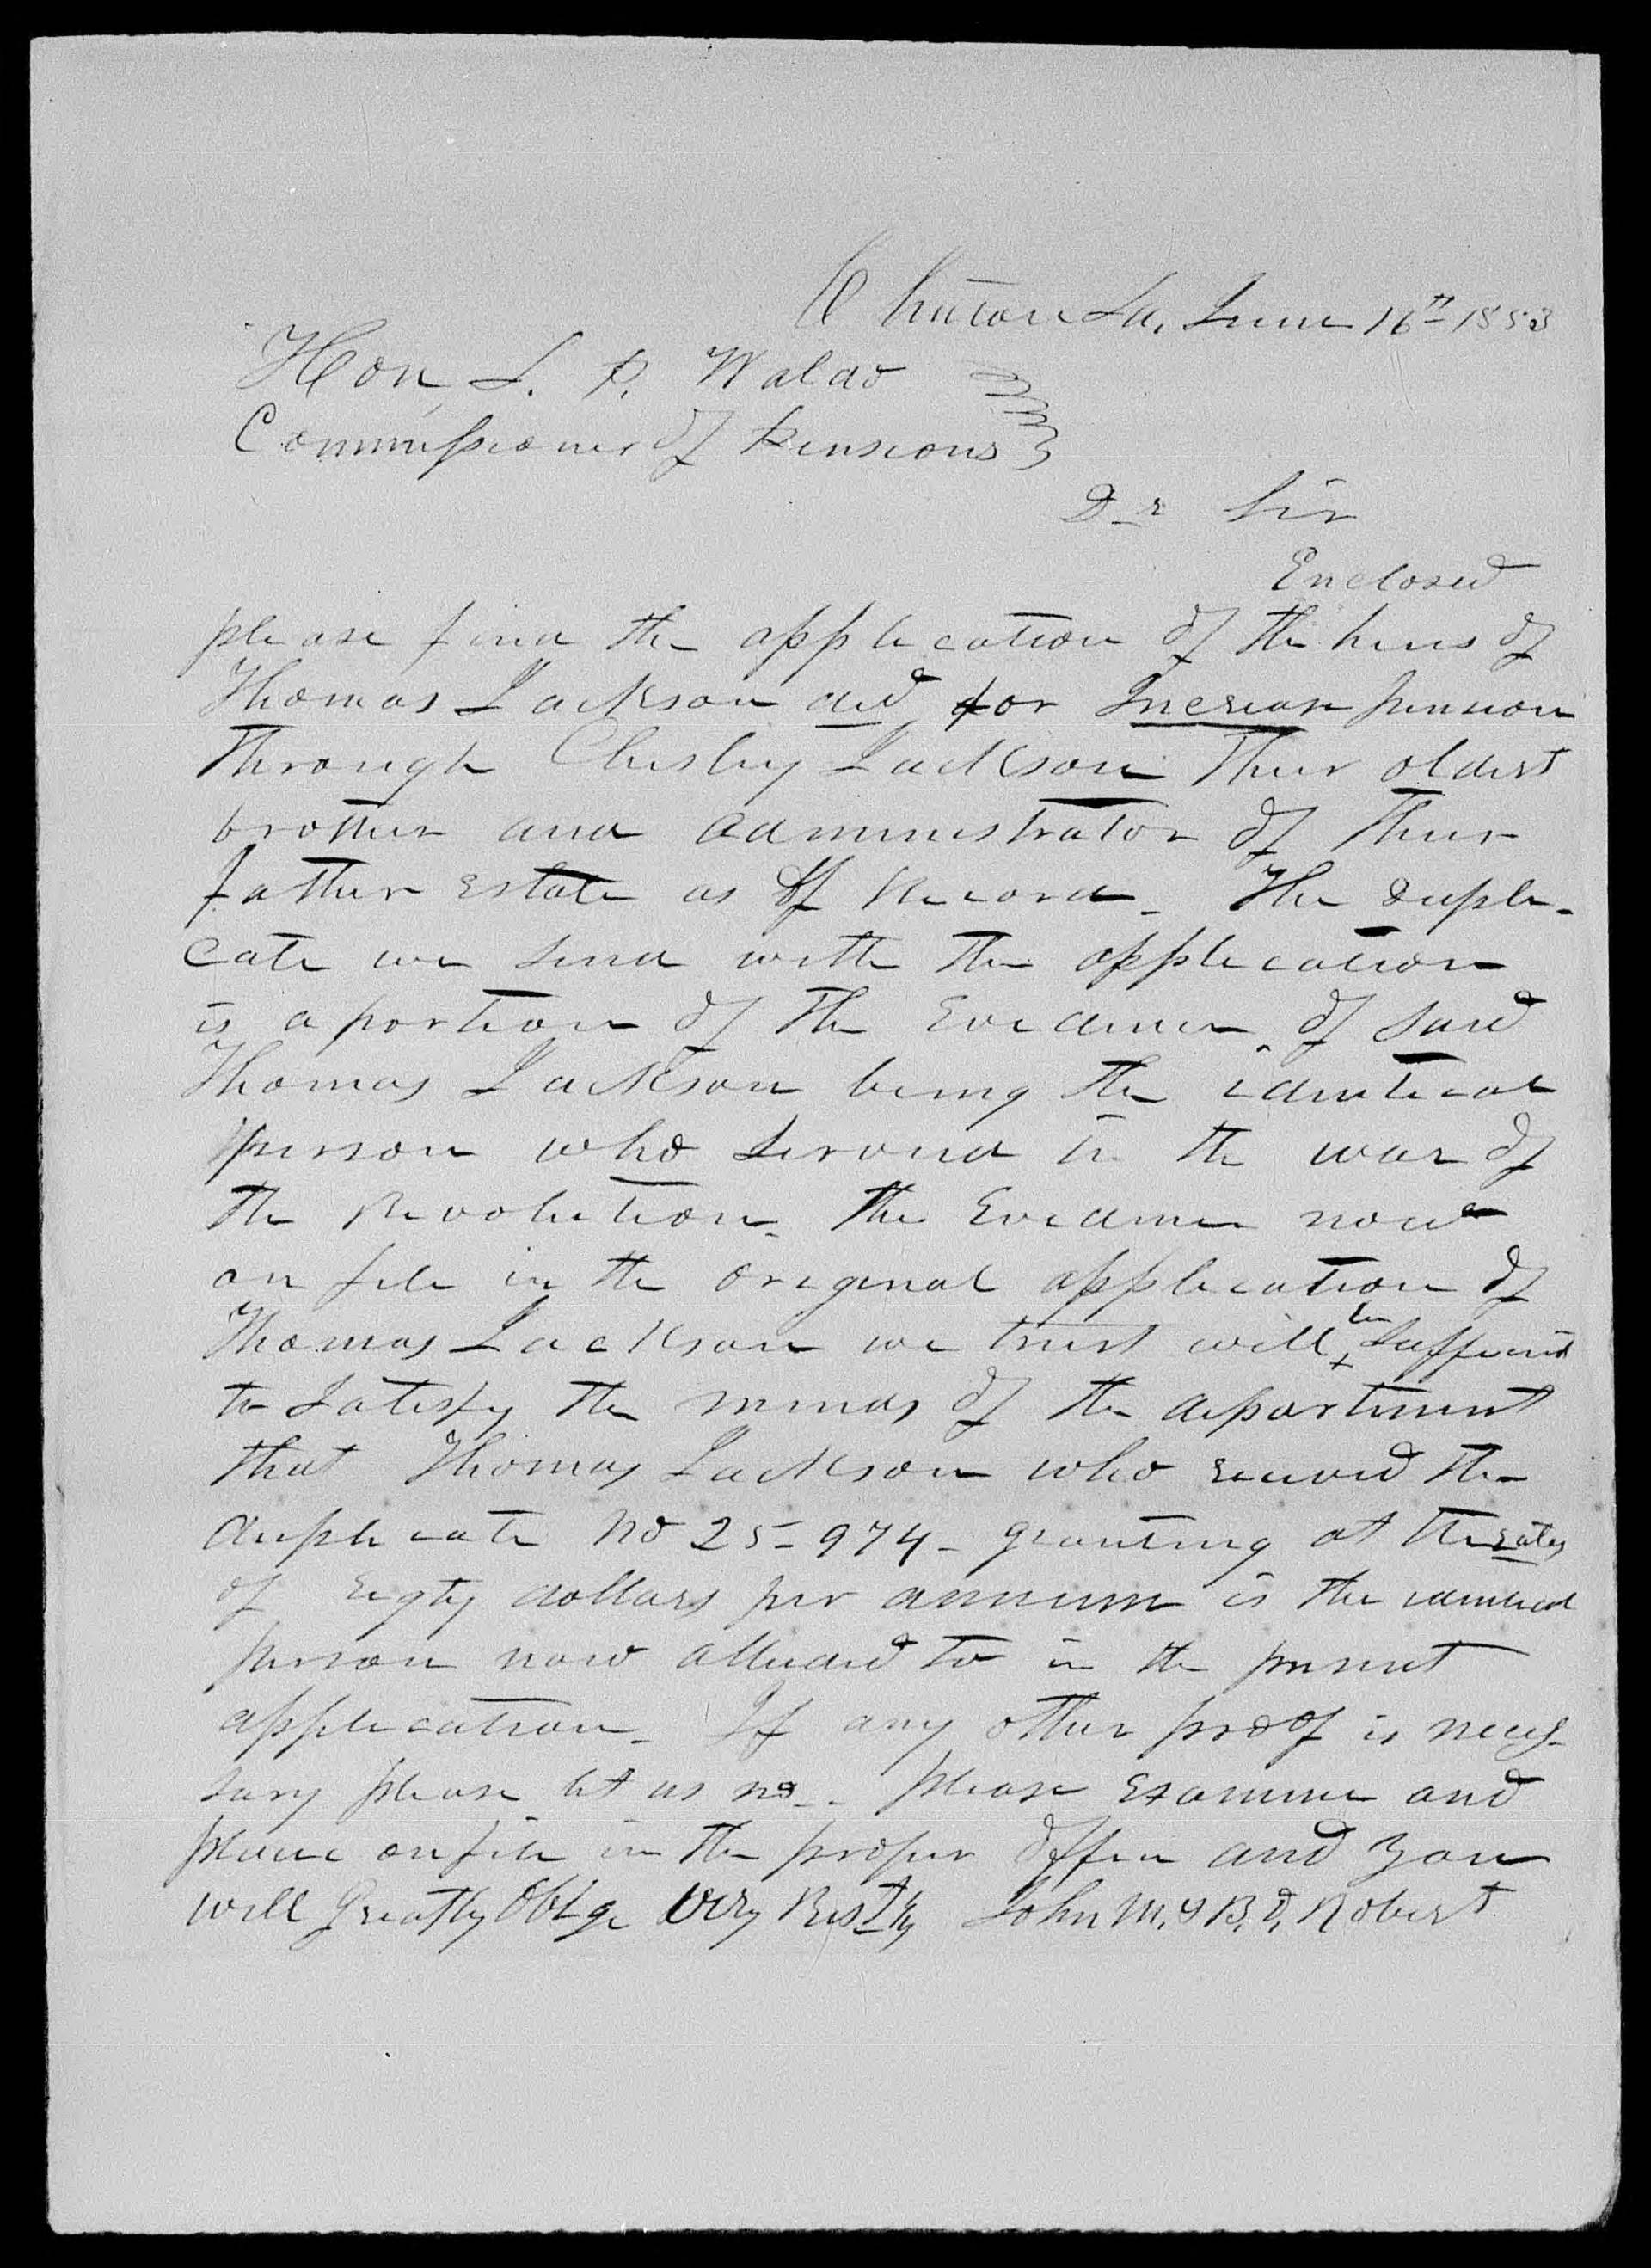Clinton La. June 16th 1853
Hon L.P. Waldo
Commissioner of Pensions

Dr Sir
Enclosed please find the application of the heirs of  Thomas Jackson dcd for Increase pension 
through Chesley Jackson their oldest brother and administrator of their father estate as of Record
The duplicate we send with the application is a portion of the evidence of said Thomas Jackson being the identical person who served in the war of the Revolution, the evidence now on file in the original application of Thomas Jackson we trust will be sufficient to satisfy the minds of the department that Thomas Jackson who received the duplicate No 25-974, granting at the rate of Eighty dollars per annum is the identical person now alluded to in the present application. If any other proof is necessary please let us no - please examine and place on file in the proper office and you will greatly oblige very Respy John M. & B. E. Robert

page: 48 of 54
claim: survivor's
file: S. 31166, for Thomas Jackson, South Carolina